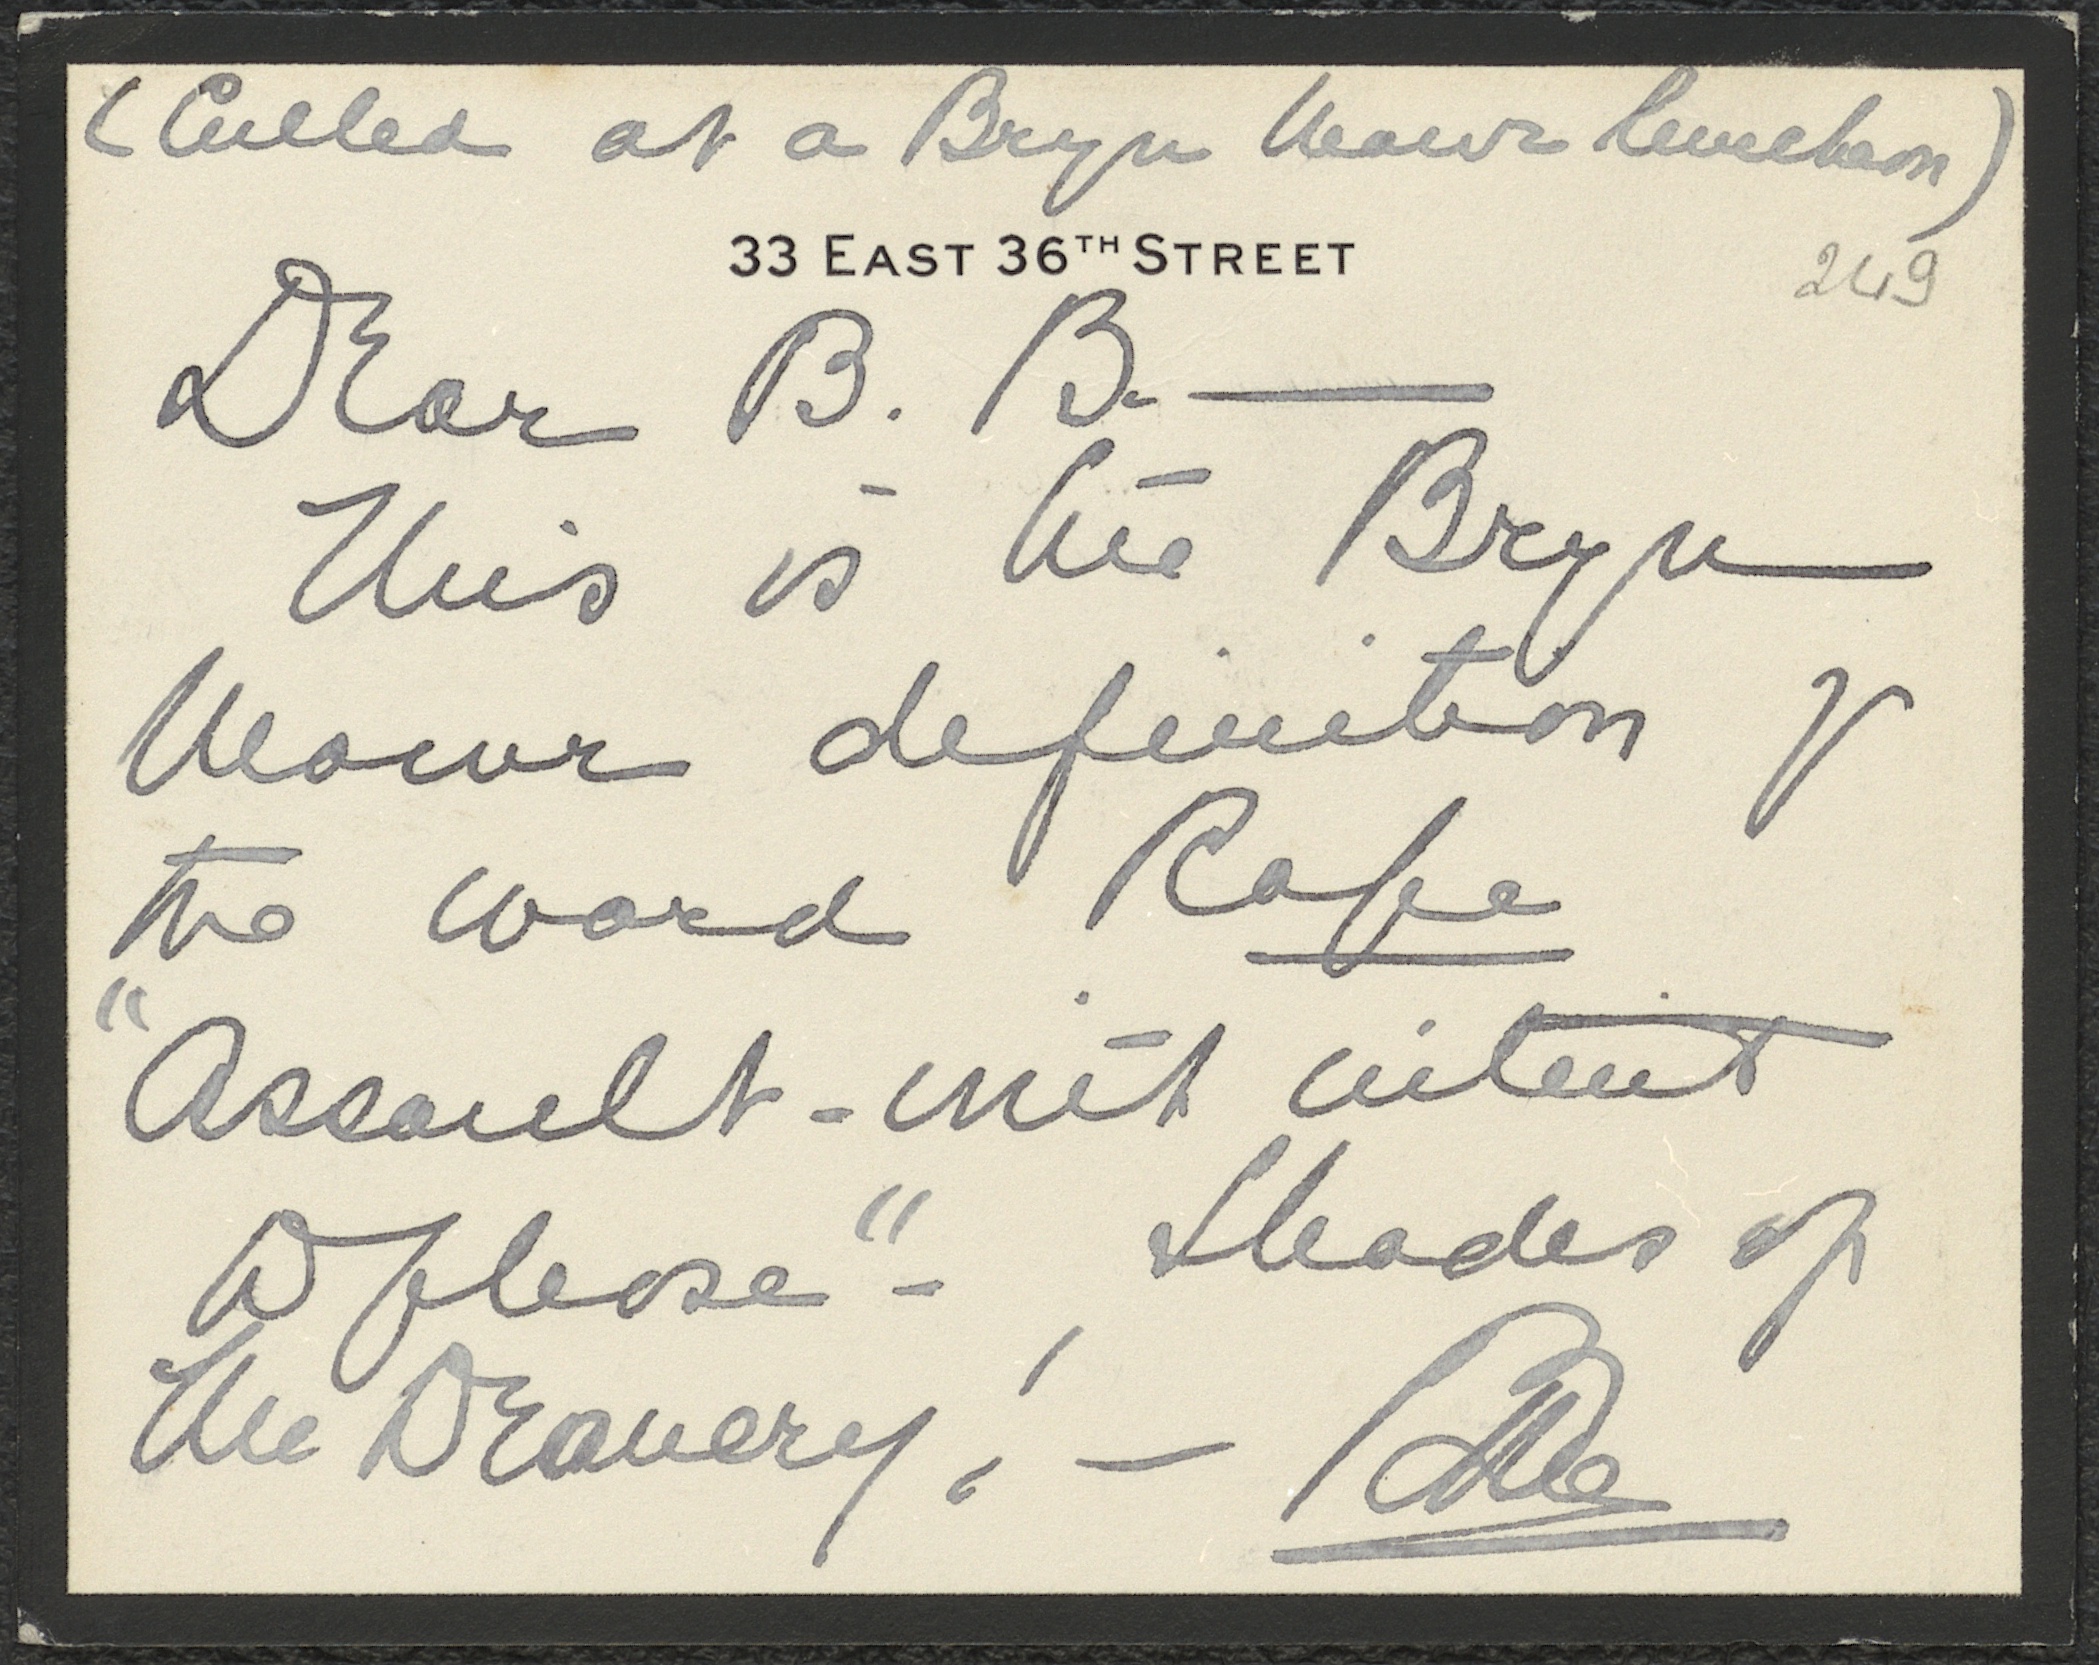(Culled at a Bryn Mawr luncheon)
Dear B. B. –
This is the Bryn Mawr definition of the word Rape “Assault – with intent to please” – Shades of the Deanery! – Belle